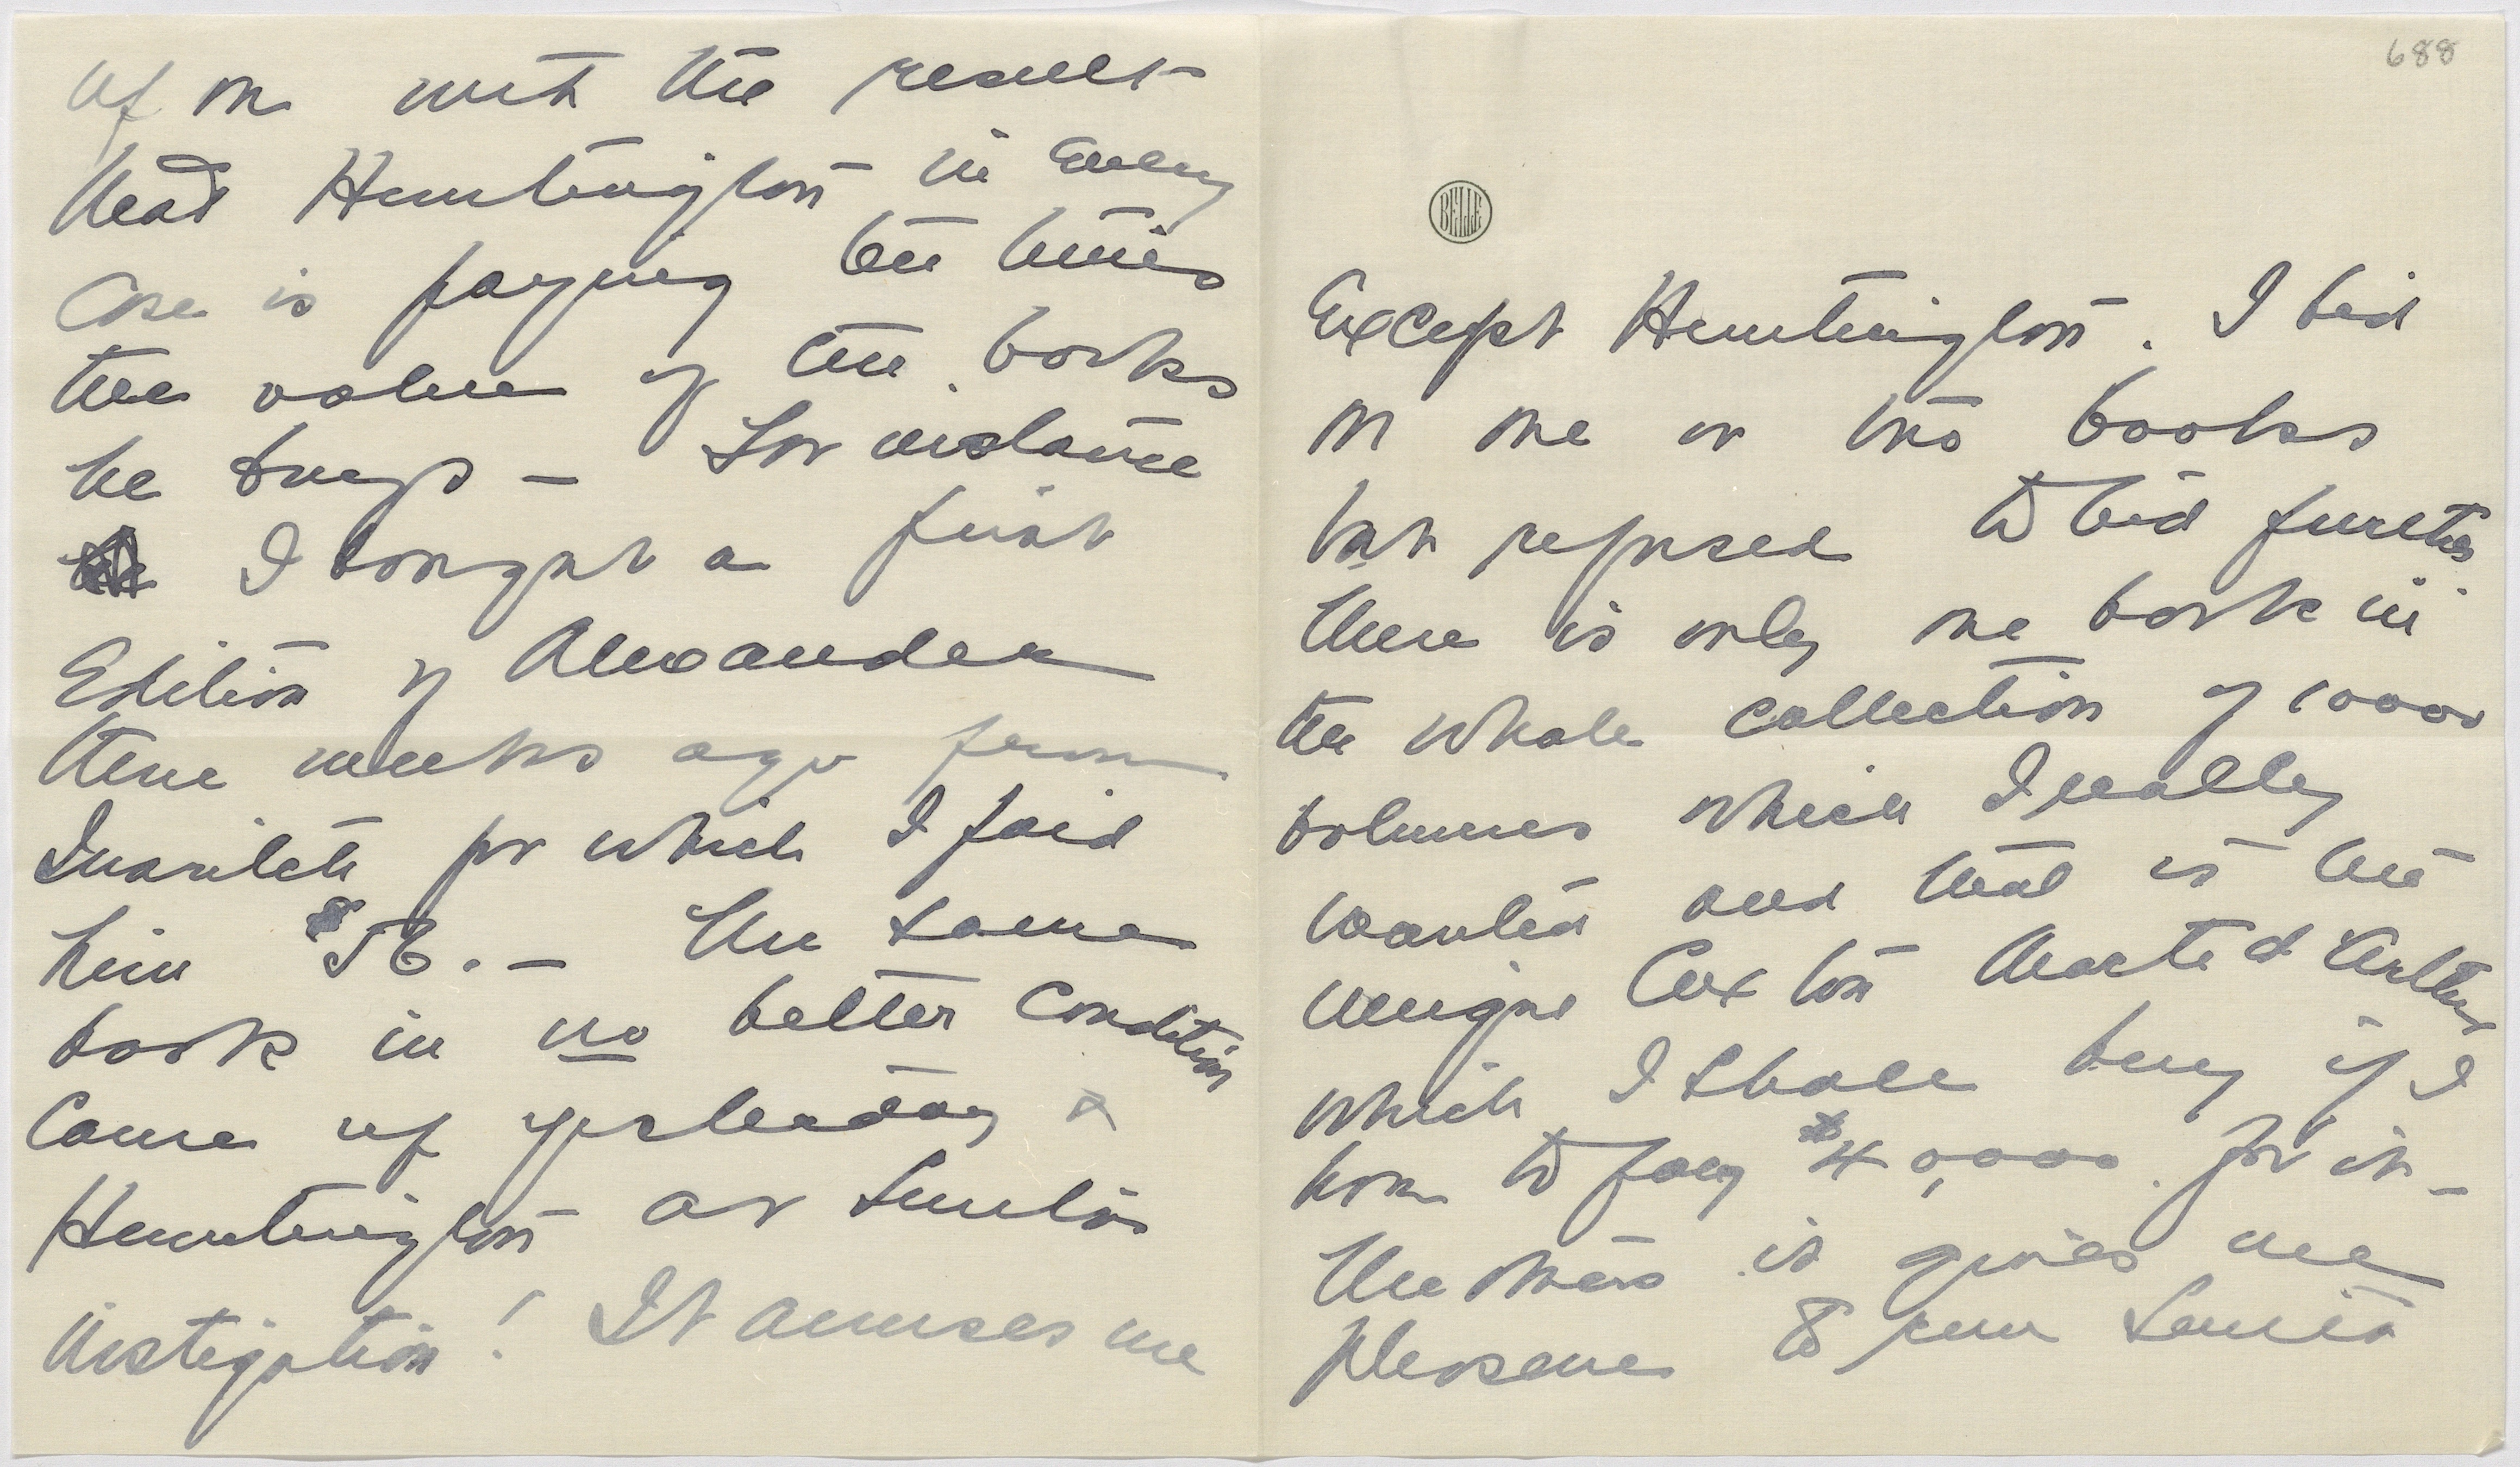except Huntington. I bid on one or two books but refused to bid further. There is only one book in the whole collection of 10000 volumes which I really wanted and that is the unique Caxton Morte d’Arthur which I shall buy if I have to pay $40,000. for it – The others it gives me pleasure to run Smith
up one with the result that Huntington in every case in paying ten times the value of the books he buys – For instance he I bought a first edition of Alexander three weeks ago from Quaritch for which I paid him $50. – The same book in no better condition came up yesterday & Huntington at Smiths [sic] instigation! It amuses me